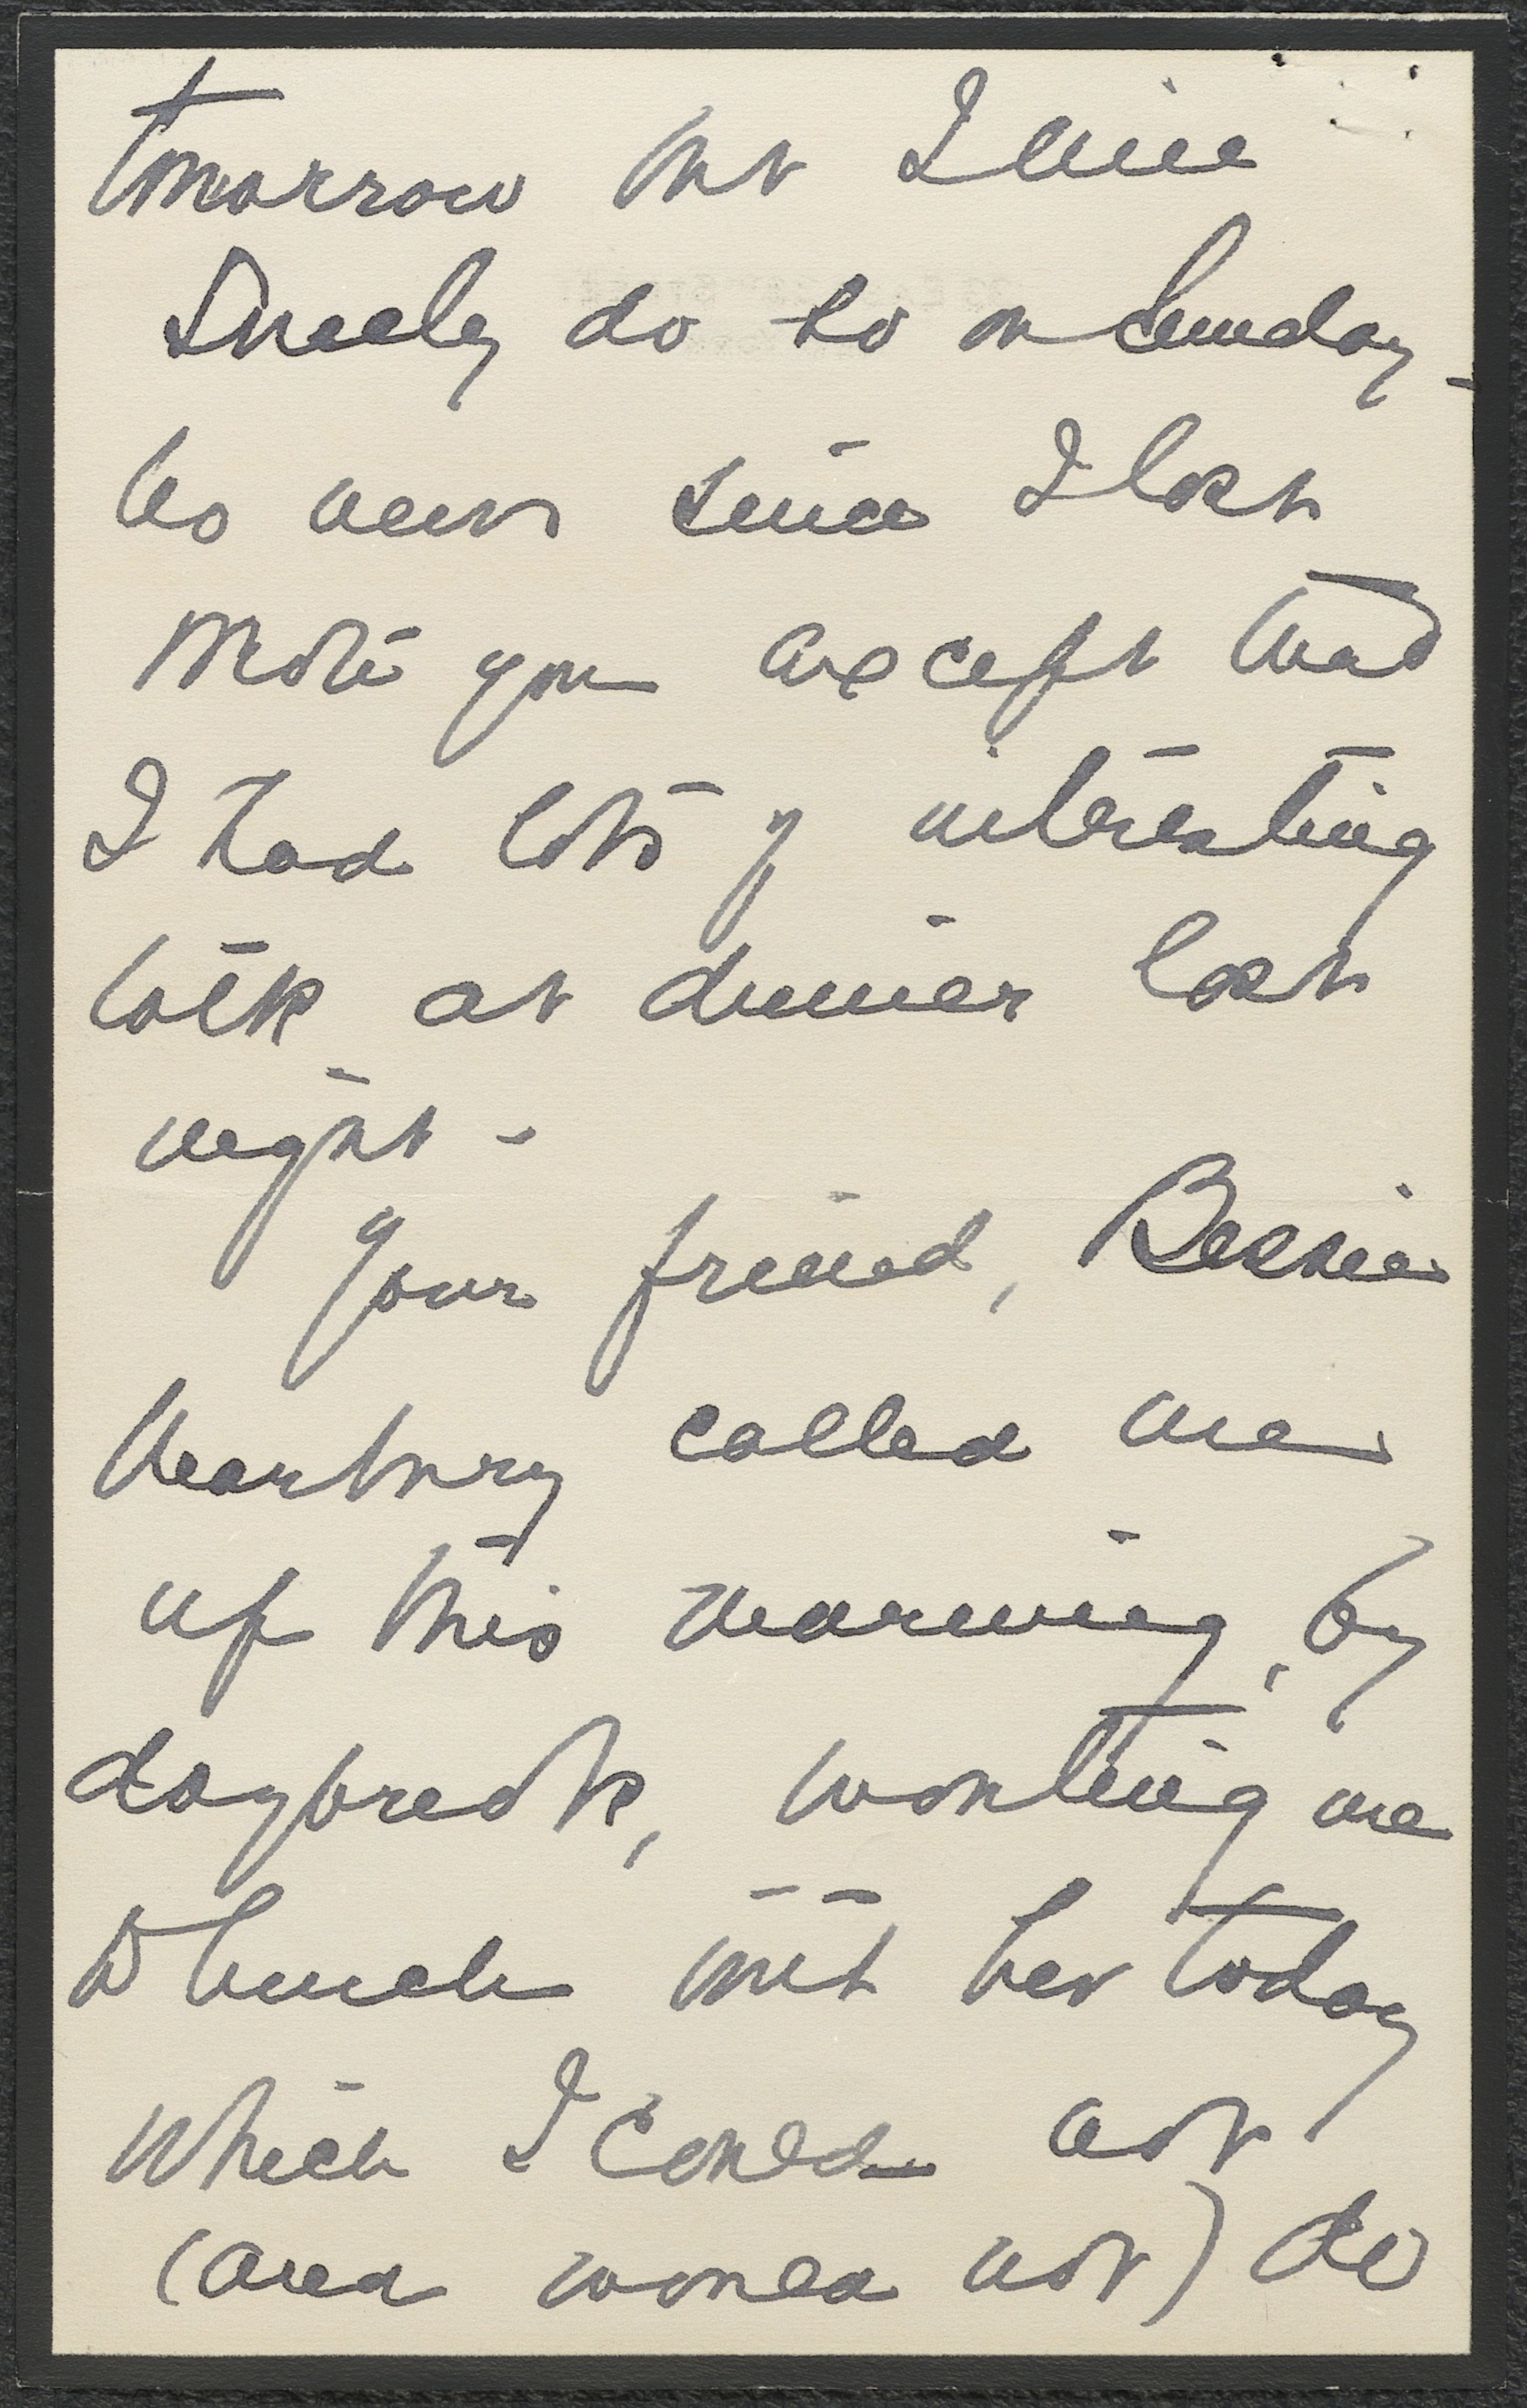tomorrow but I will surely do so on Sunday – No news since I last wrote you except that I had lots of interesting talk at dinner last night –
Your friend, Bessie Marbury called me up this morning, by daybreak, wanting me to lunch with her today which I could not (and would not) do